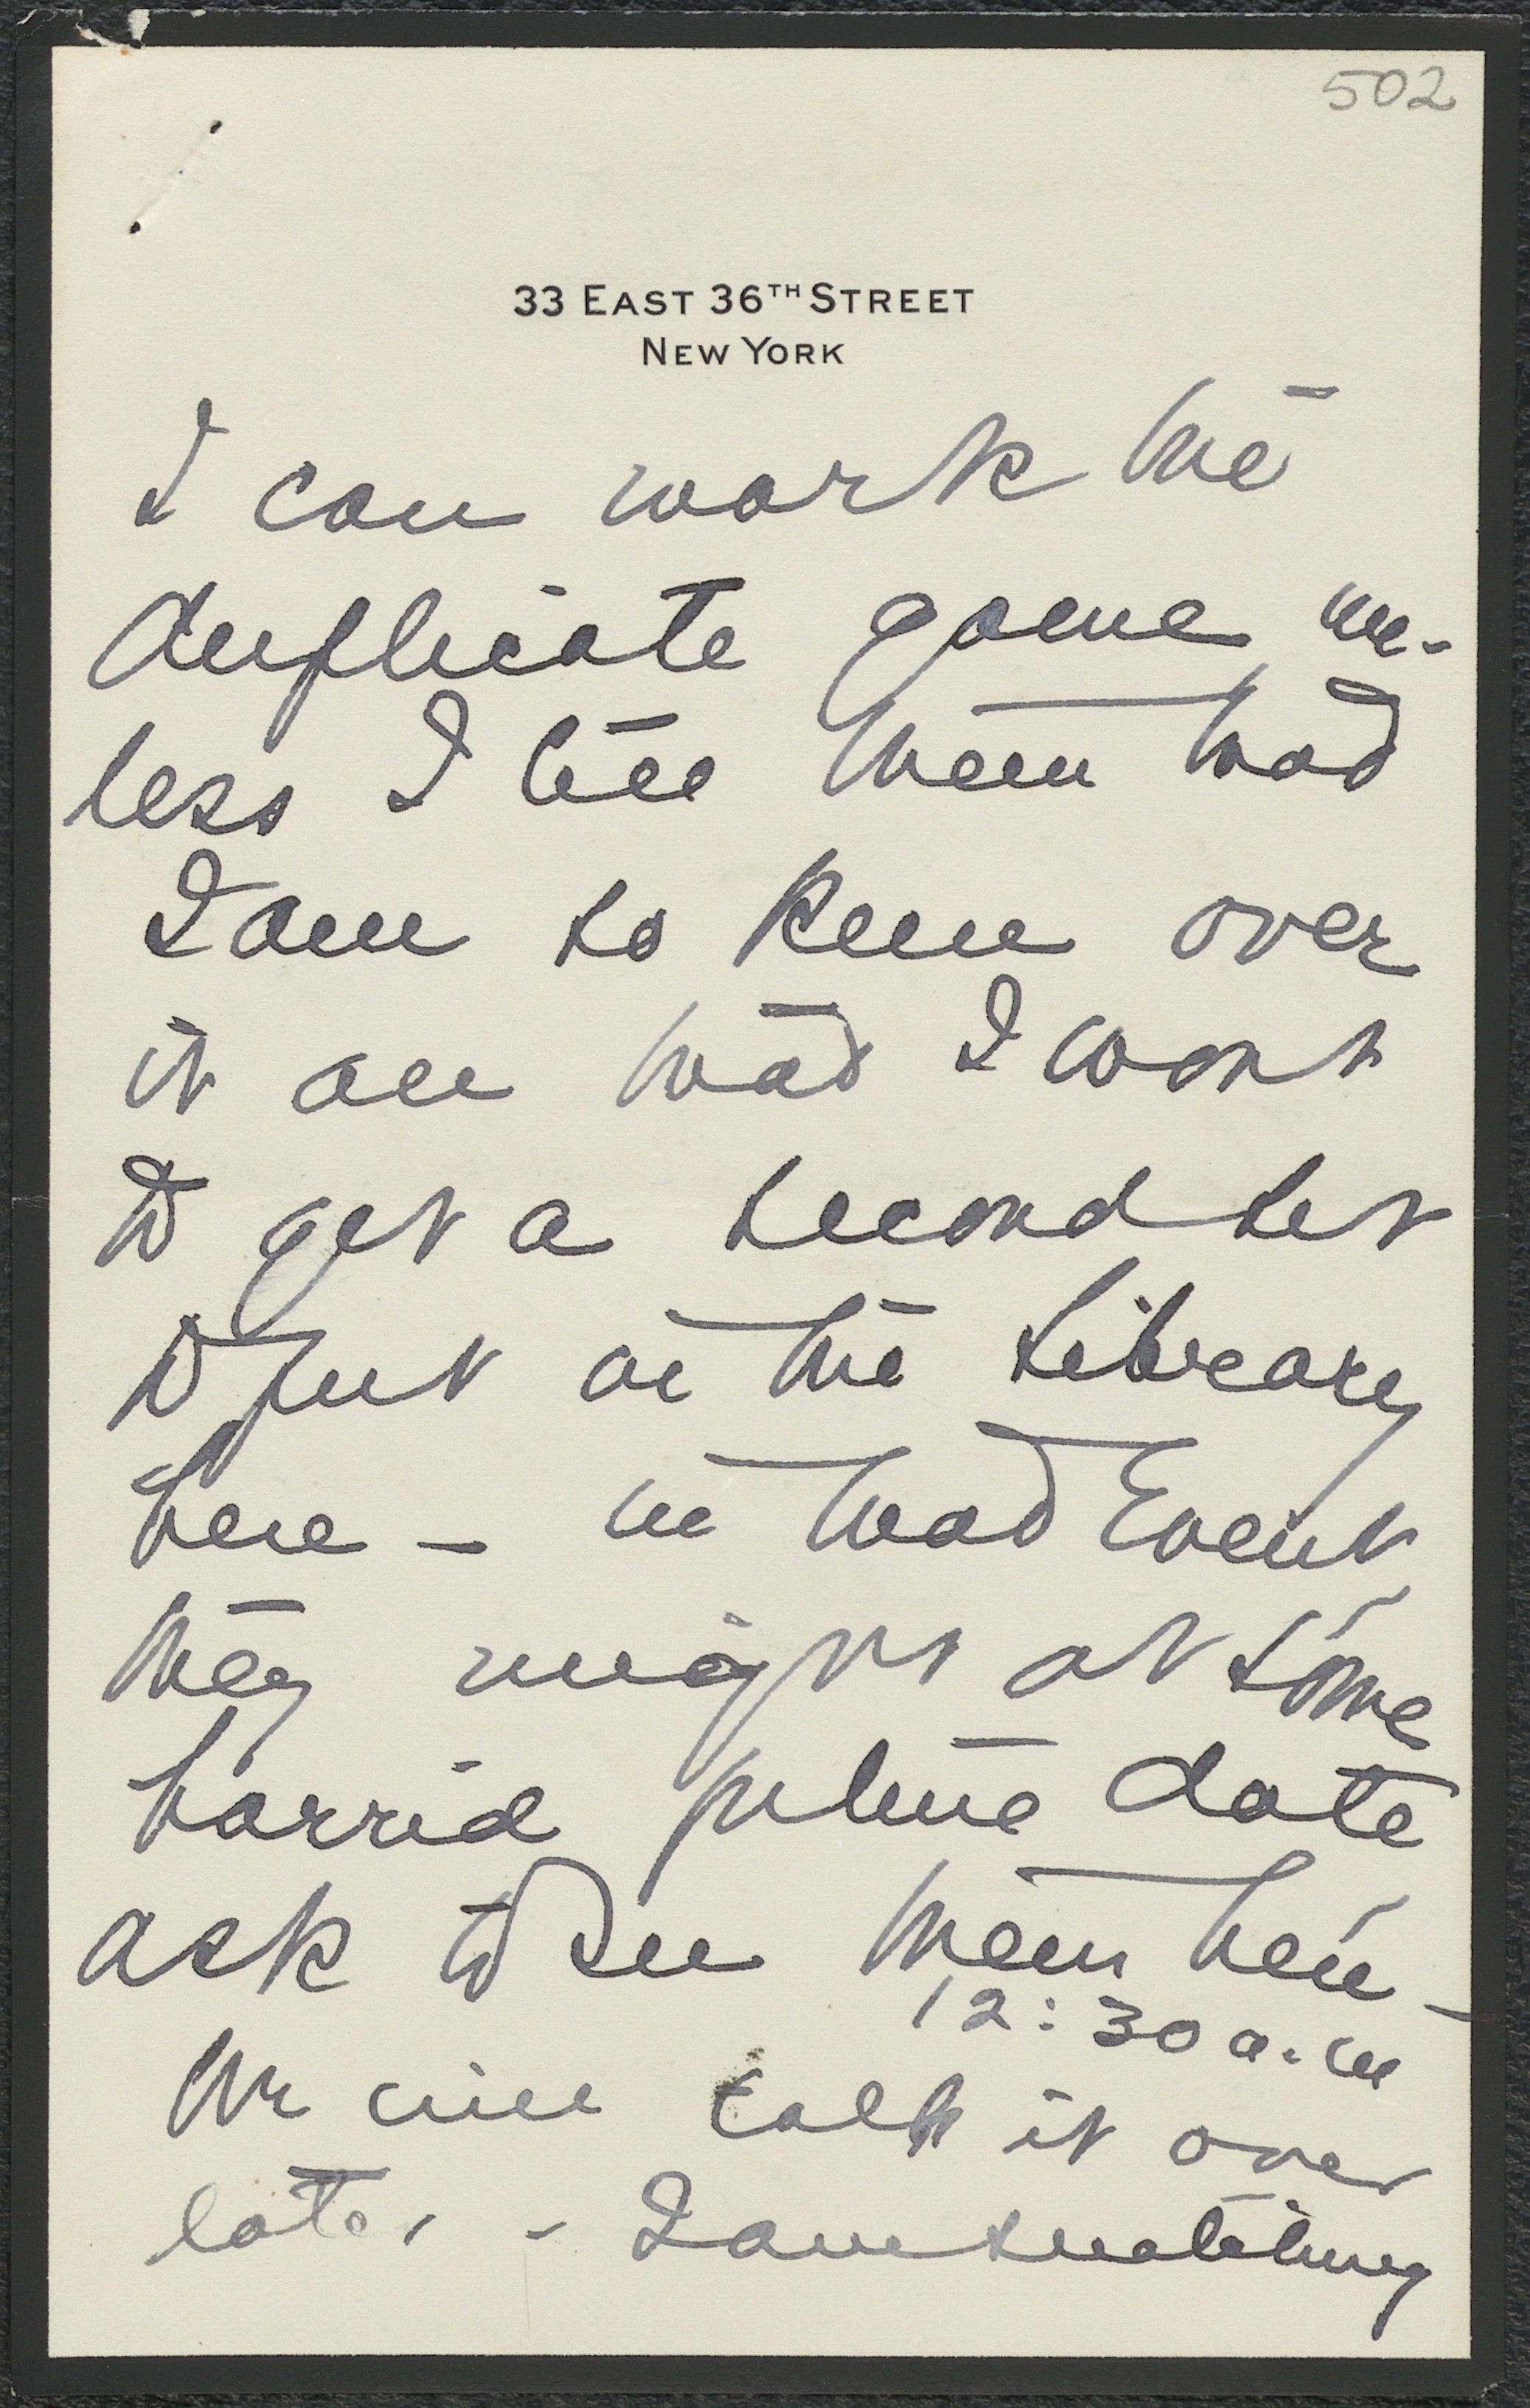I can work the duplicate game unless I tell them that I am so keen over it all that I want to get a second set to put at the Library here – in that event, they might at some horrid future date ask to see them here –
12:30 a.m We will talk it over later – I am snatching